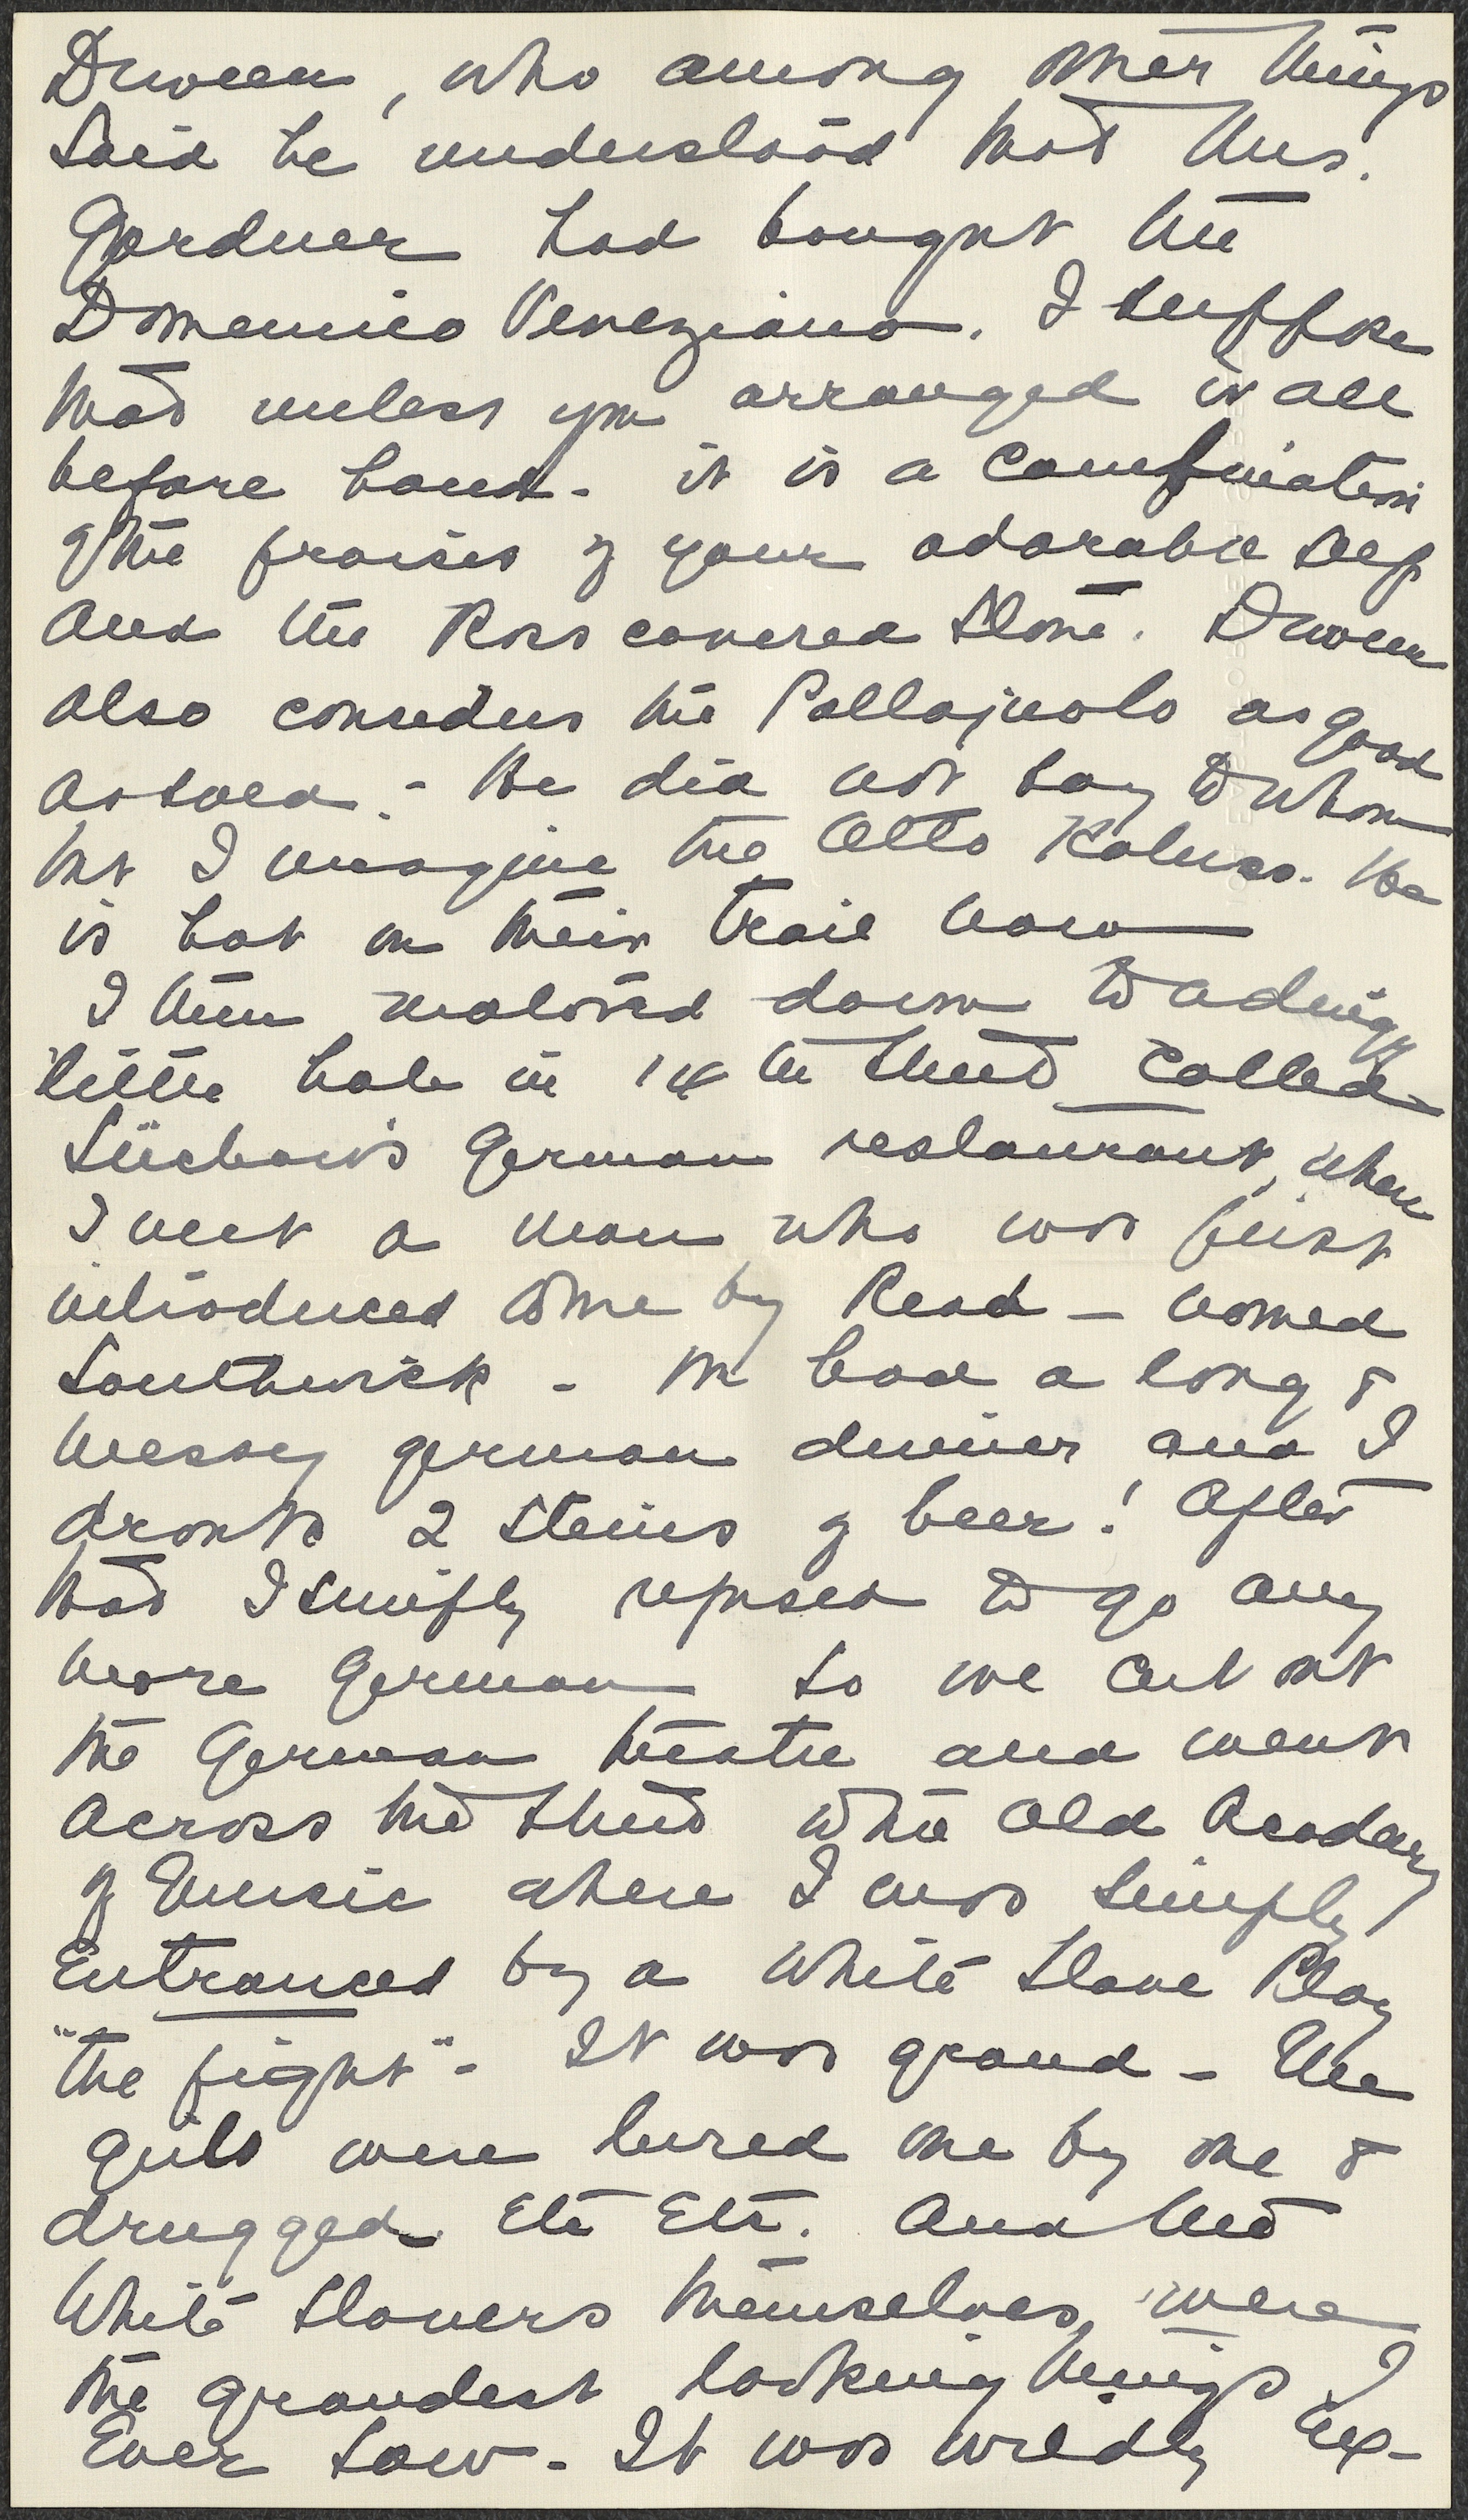Duveen, who among other things said he understood that Mrs. Gardner had bought the Domenico Veneziano. I suppose that unless you arranged it all before hand – it is a confirmation of the praises of your adorable self and the Ross covered stone. Duveen also considers the Pollaiuolo as good as sold – He did not say to whom but I imagine the Otto Kahns. He is hot on their trail now –
I then motored down to a dingy little hole in 14th street called Süchow’s German restaurant, where I met a man who was first introduced to me by Read – named Southwick – we had a long & messy German dinner and I drank 2 steins of beer! After that I simply refused to go any more German so we cut out the German theatre and went across the street to the old academy of music where I was simply entranced by a White Slave Play “the fight” – It was grand — the girls were lured one by one & drugged etc etc. And the white slavers themselves were the grandest looking things I ever saw – It was wildly